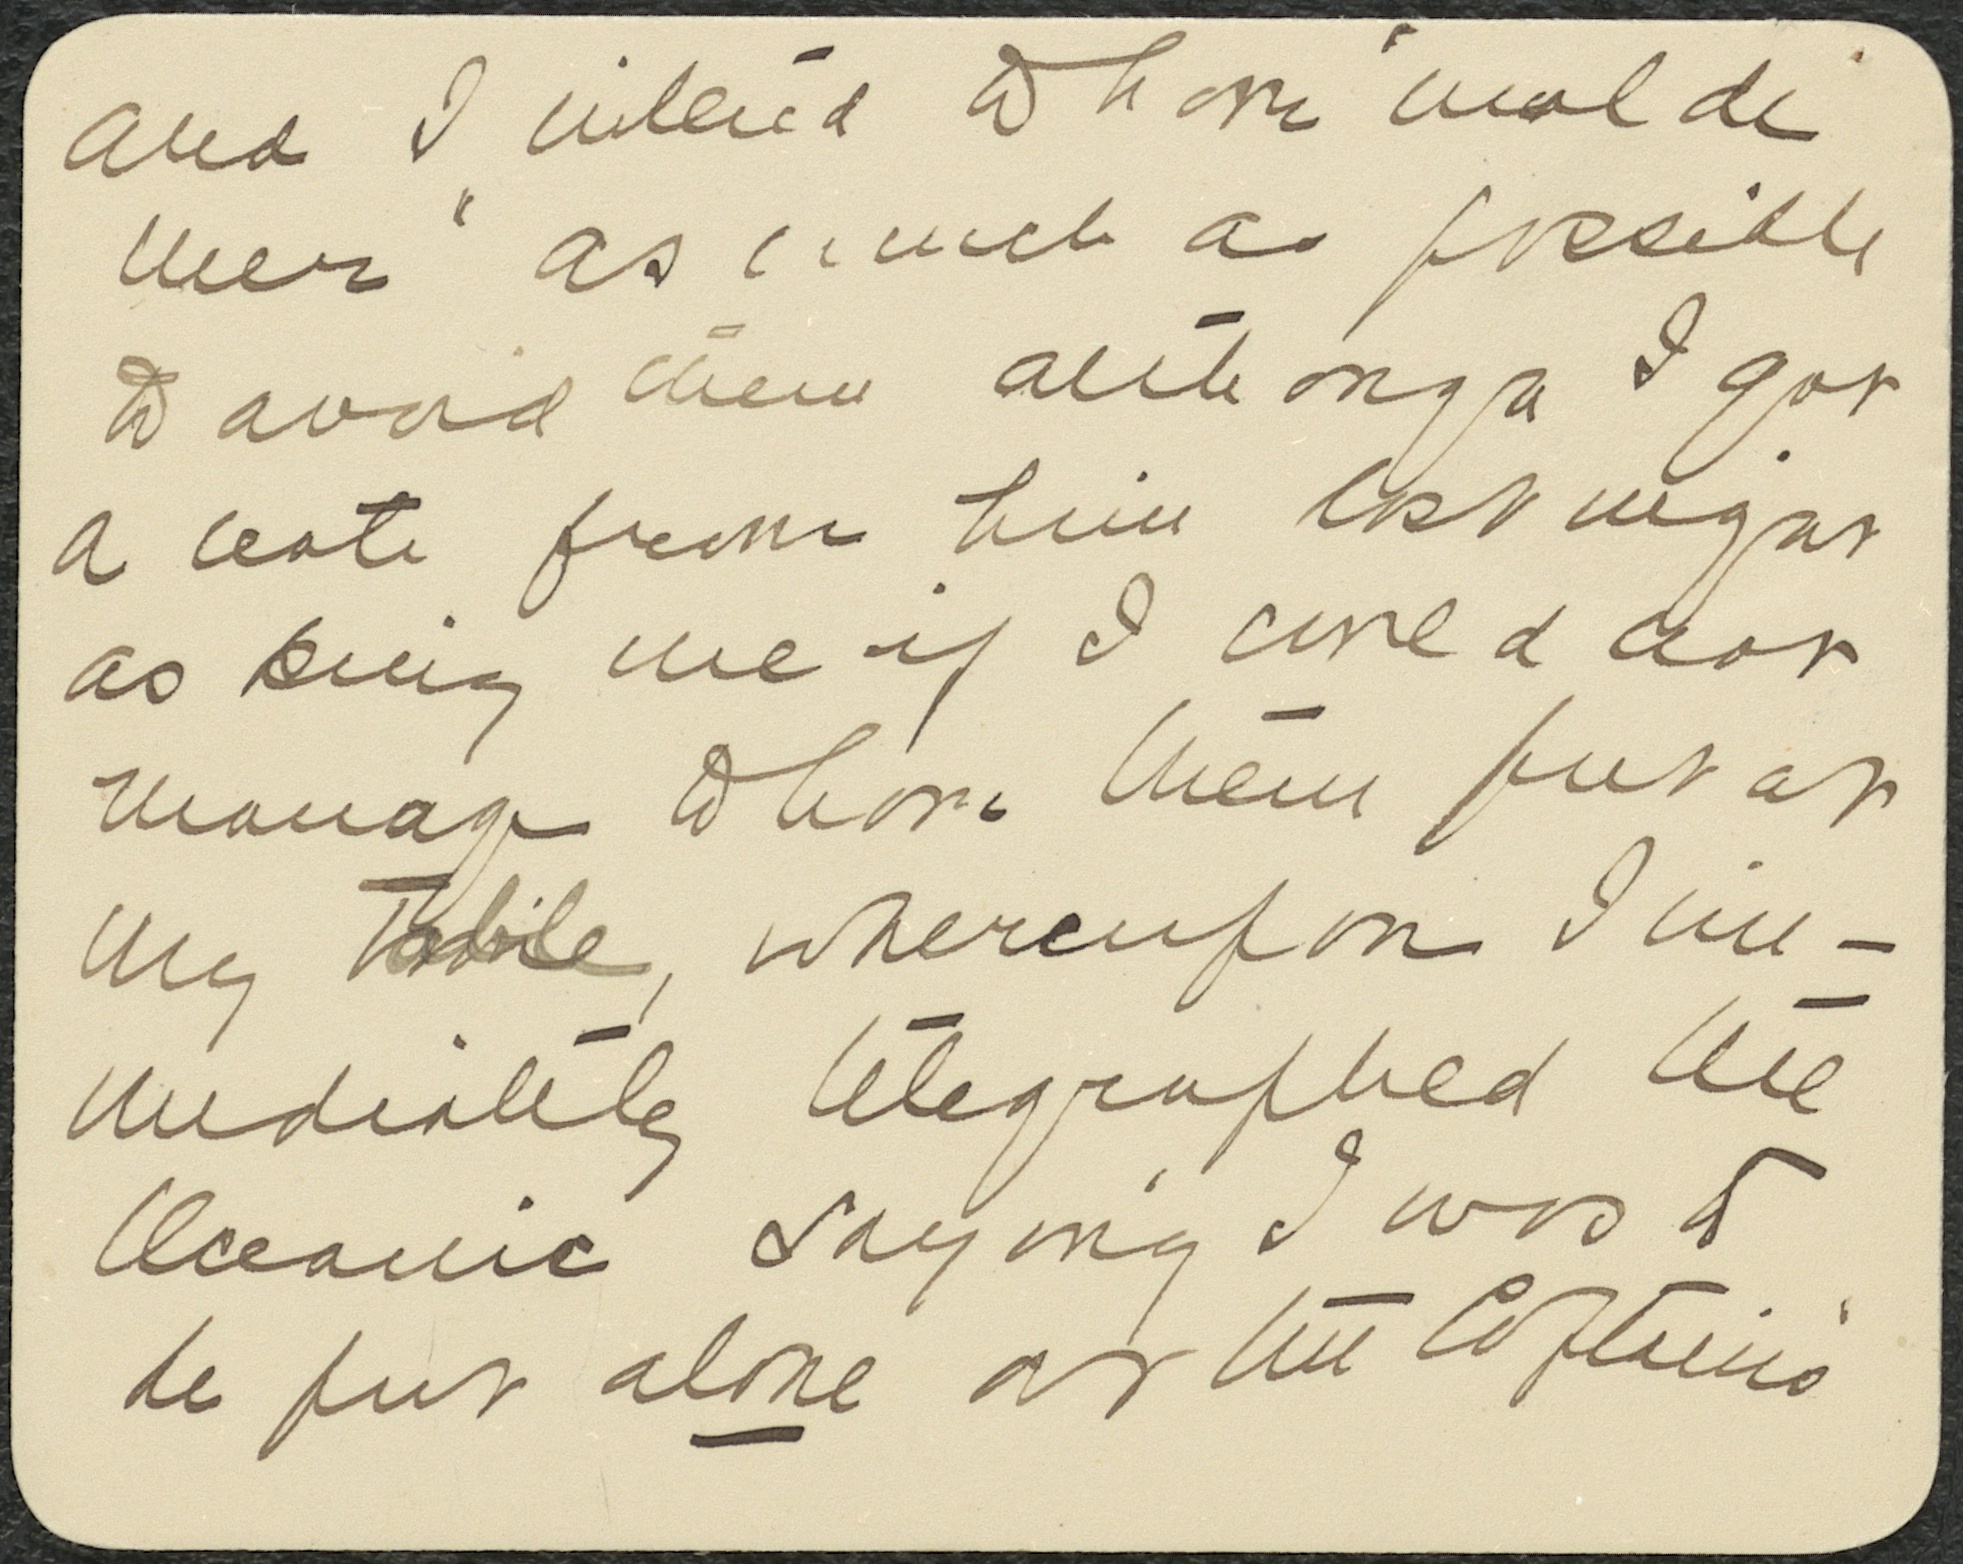and I intend to have “mal de mer” as much as possible to avoid them although I got a note from him last night asking me if I could not manage to have them put at my Table whereupon I immediately telegraphed the Oceanic saying I was to be put alone at the Captain’s